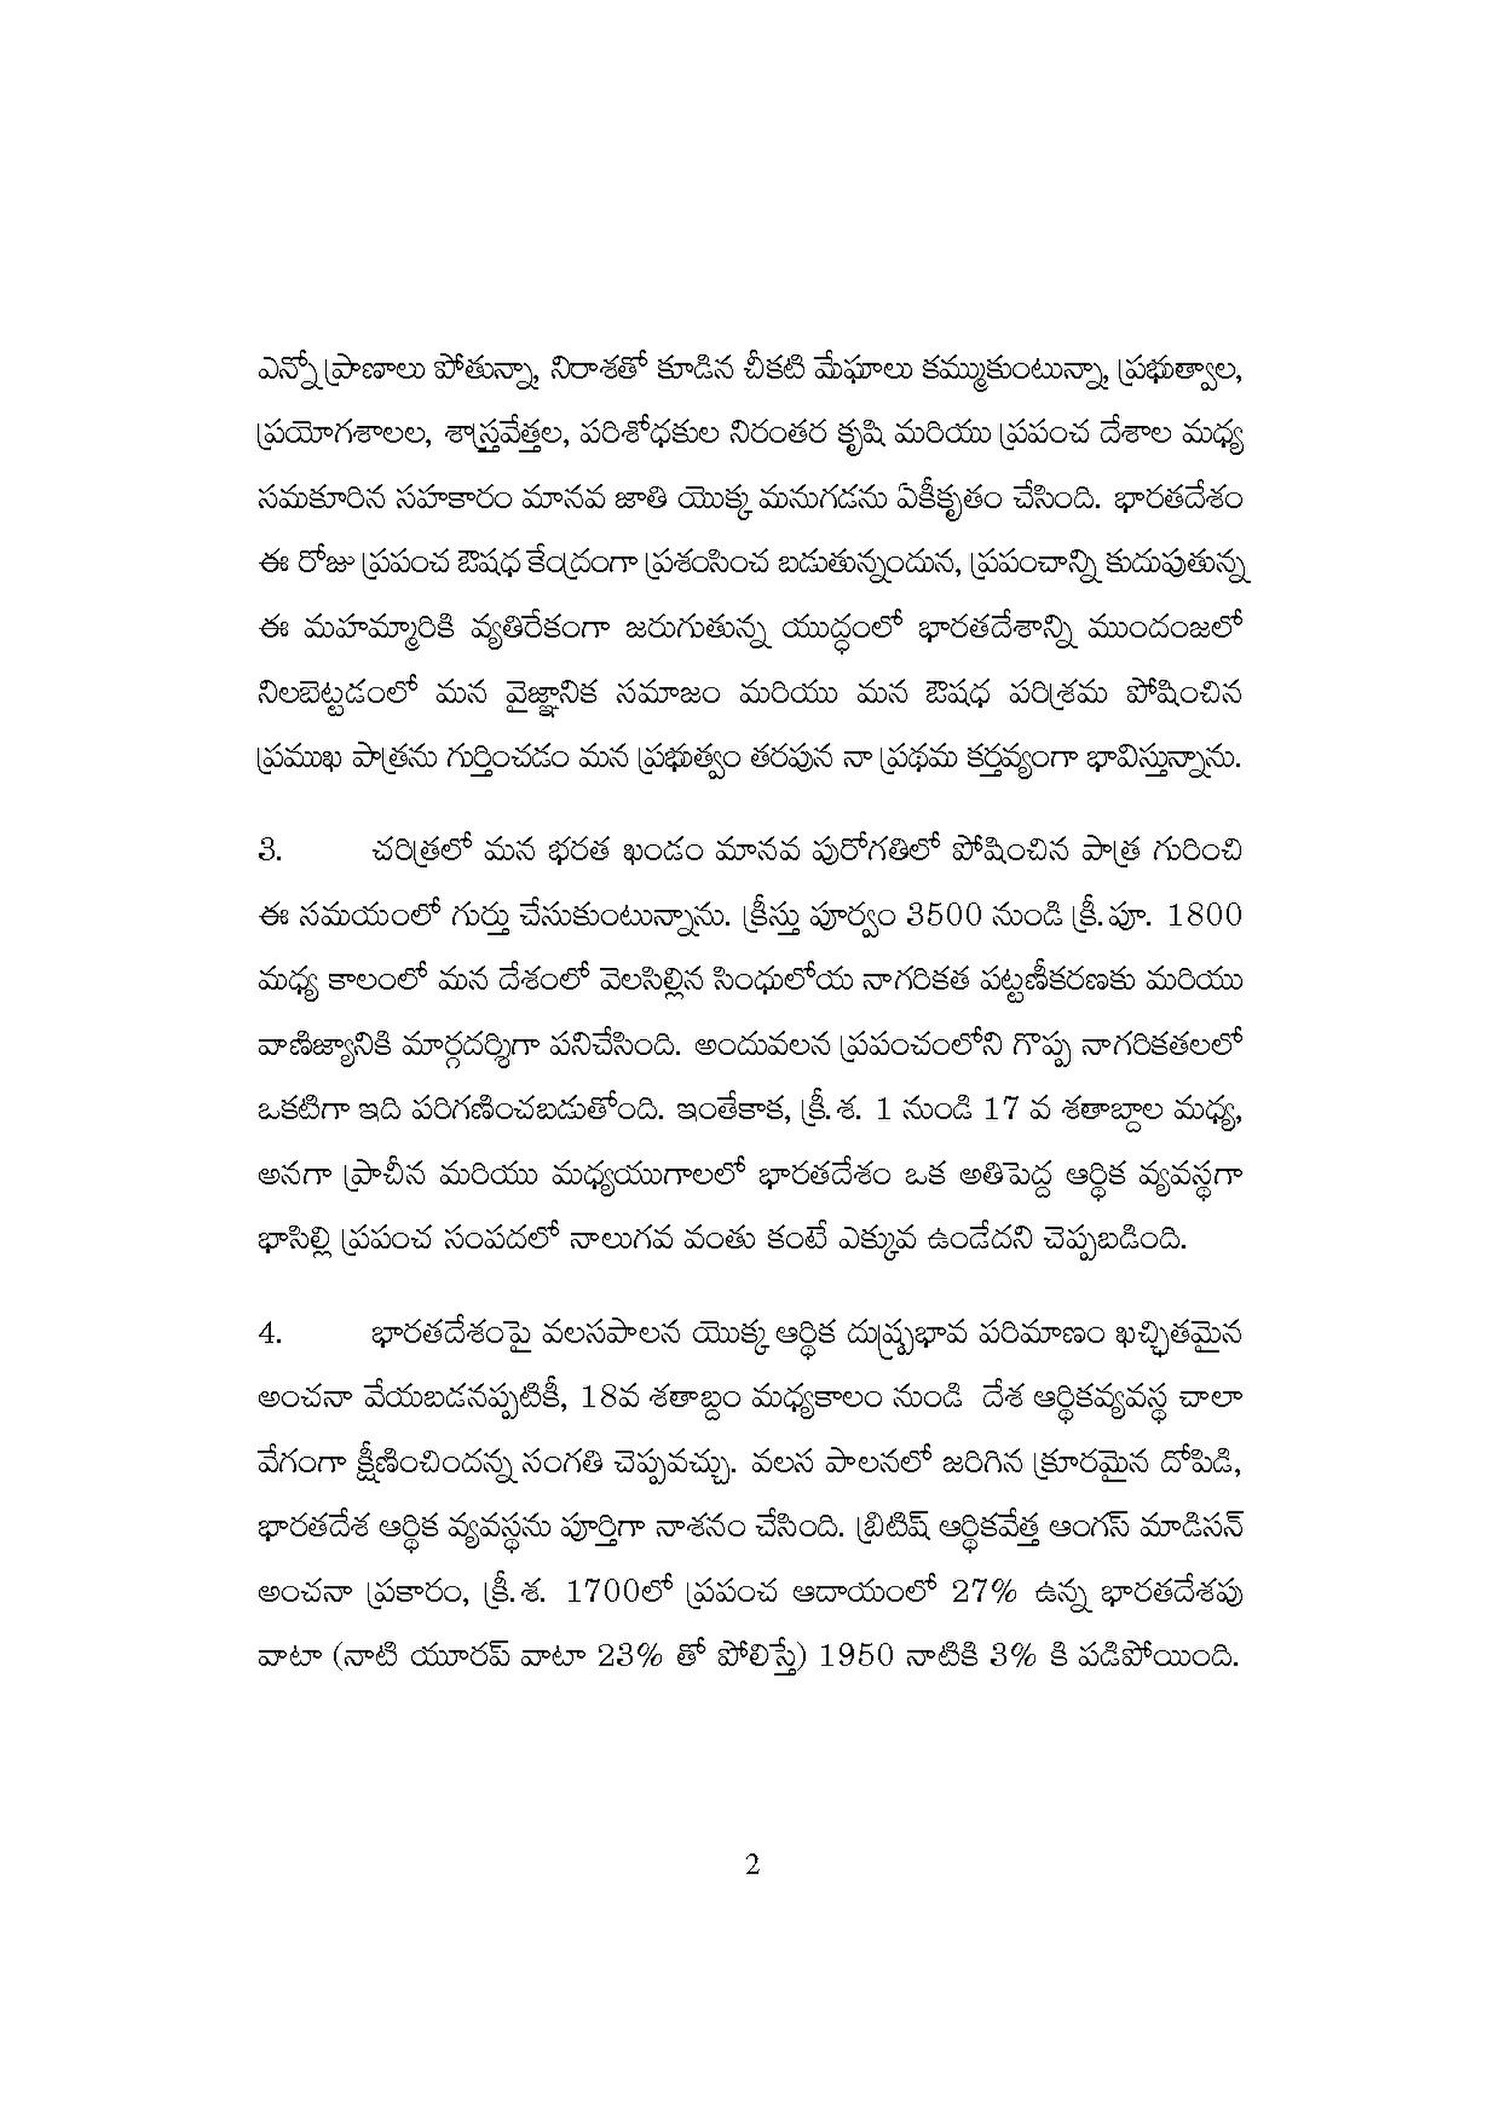ఎన్నో ప్రాణాలు పోతున్నా, నిరాశతో కూడిన చీకటి మేఘాలు కమ్ముకుంటున్నా, ప్రభుత్వాల,
ప్రయోగశాలల, శాస్త్రవేత్తల, పరిశోధకుల నిరంతర కృషి మరియు ప్రపంచ దేశాల మధ్య
సమకూరిన సహకారం మానవ జాతి యొక్క మనుగడను ఏకీకృతం చేసింది. భారతదేశం
ఈ రోజు ప్రపంచ ఔషధ కేంద్రంగా ప్రశంసించ బడుతున్నందున, ప్రపంచాన్ని కుదుపుతున్న
ఈ మహమ్మారికి వ్యతిరేకంగా జరుగుతున్న యుద్ధంలో భారతదేశాన్ని ముందంజలో
నిలబెట్టడంలో మన వైజ్ఞానిక సమాజం మరియు మన ఔషధ పరిశ్రమ పోషించిన
ప్రముఖ పాత్రను గుర్తించడం మన ప్రభుత్వం తరపున నా ప్రథమ కర్తవ్యంగా భావిస్తున్నాను.

3. చరిత్రలో మన భరత ఖండం మానవ పురోగతిలో పోషించిన పాత్ర గురించి
ఈ సమయంలో గుర్తు చేసుకుంటున్నాను. క్రీస్తు పూర్వం 3500 నుండి క్రీ.పూ. 1800
మధ్య కాలంలో మన దేశంలో వెలసిల్లిన సింధులోయ నాగరికత పట్టణీకరణకు మరియు
వాణిజ్యానికి మార్గదర్శిగా పనిచేసింది. అందువలన ప్రపంచంలోని గొప్ప నాగరికతలలో
ఒకటిగా ఇది పరిగణించబడుతోంది. ఇంతేకాక, క్రీ.శ. 1 నుండి 17 వ శతాబ్దాల మధ్య,
అనగా ప్రాచీన మరియు మధ్యయుగాలలో భారతదేశం ఒక అతిపెద్ద ఆర్థిక వ్యవస్థగా
భాసిల్లి ప్రపంచ సంపదలో నాలుగవ వంతు కంటే ఎక్కువ ఉండేదని చెప్పబడింది.

4. భారతదేశంపై వలసపాలన యొక్క ఆర్థిక దుష్ప్రభావ పరిమాణం ఖచ్చితమైన
అంచనా వేయబడనప్పటికీ, 18వ శతాబ్దం మధ్యకాలం నుండి దేశ ఆర్థికవ్యవస్థ చాలా
వేగంగా క్షీణించిందన్న సంగతి చెప్పవచ్చు. వలస పాలనలో జరిగిన క్రూరమైన దోపిడి,
భారతదేశ ఆర్థిక వ్యవస్థను పూర్తిగా నాశనం చేసింది. బ్రిటిష్ ఆర్థికవేత్త ఆంగస్ మాడిసన్
అంచనా ప్రకారం, క్రీ.శ. 1700లో ప్రపంచ ఆదాయంలో 27% ఉన్న భారతదేశపు
వాటా (నాటి యూరప్ వాటా 23% తో పోలిస్తే) 1950 నాటికి 3% కి పడిపోయింది.